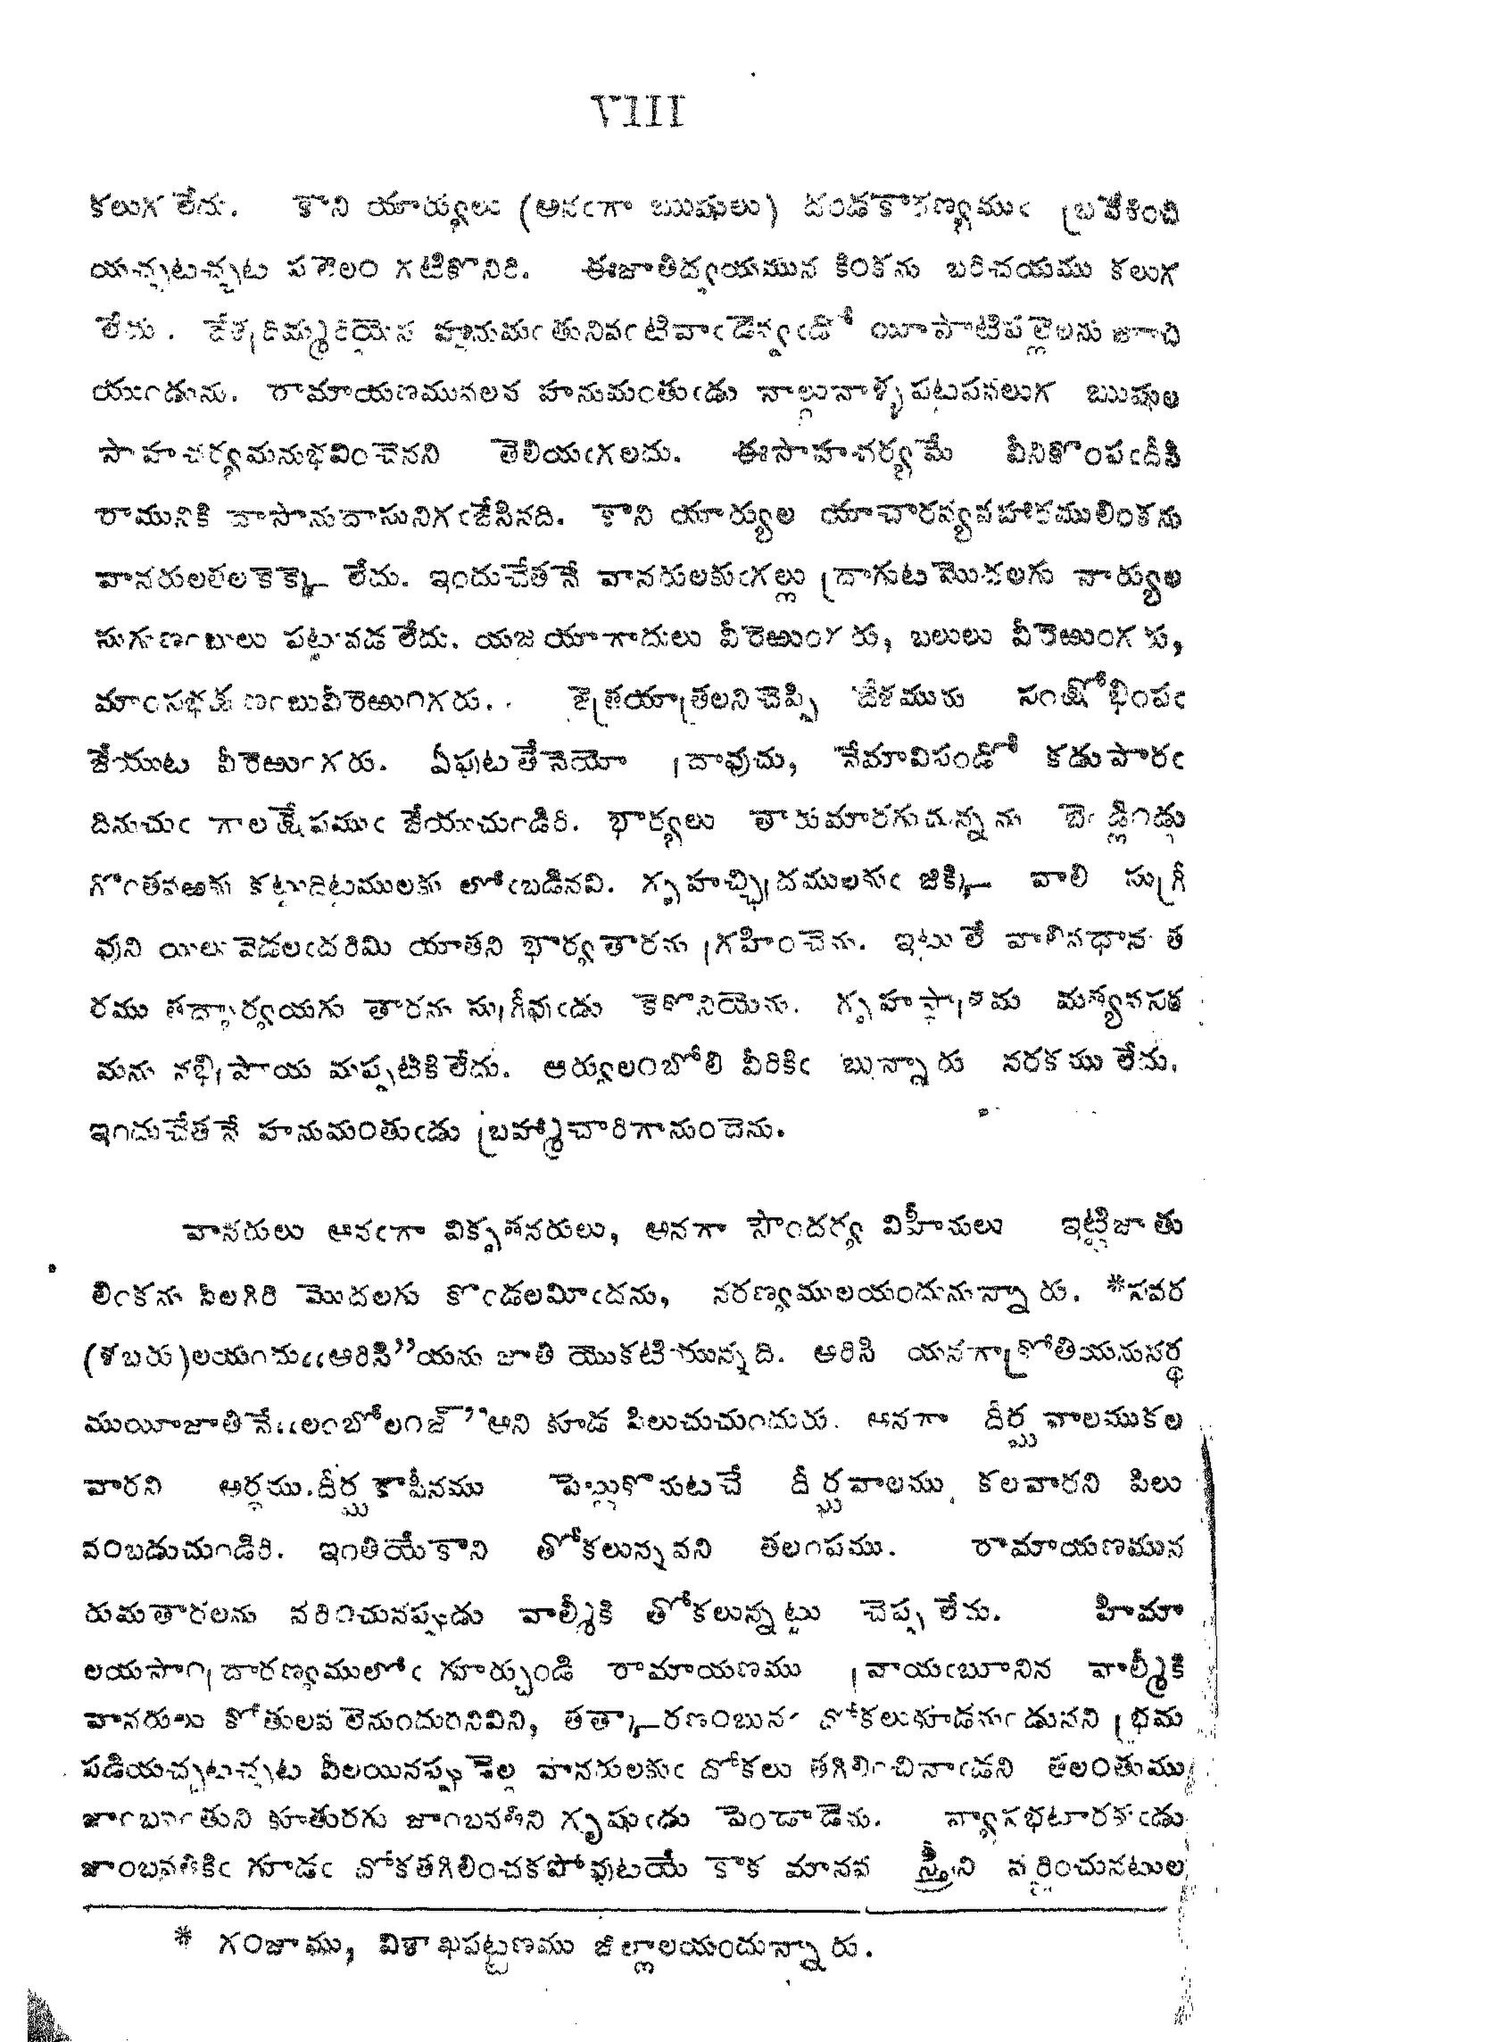కలుగ లేదు. కాని యార్యులు (అనఁగా ఋషులు) దండ కారణ్యముఁ బ్రవేశించి
యచ్చటచ్చట పల్లెలం గట్టికొనిరి. ఈజాతిద్యయమున కింకను బరిచయము కలుగ
లేదు . దేశ దిమ్మ రియైన హనుమంతుని వంటి వాడెవ్వఁడో సాటి పల్లెలను జూచి
యుండును. ర్రామాయణము వలన హనుమంతుఁడు నాల్గు నాళ్ళ పట్టపగలుగ ఋషుల
సాహచర్య మనుభవించెనని తెలియఁ గలదు. ఈసాహచర్యమే వీని కొంపఁదీసి
రామునికి దాసొను దాసునిగఁ జేసినది. కాని యూర్యుల యాచారవ్యవహారము లింకను
వానరులతల కెక్కె లేదు. ఇందు చేతనే వానరులకుఁ గల్లు ద్రాగుట మొదలగు నార్యుల
సుగుణంబులు పట్ట వడ లేదు. యగ్నయా గాదులు వీరెఱుంగరు, బలులు వీరెఱుంగరు. ,
మాంసభక్షణంబు వీరెఱుంగరు. . జెత్ర యాత్రలని చెప్పి దేశమును సంక్షోభింపం
జేయుట వీరెఱుఁగరు. ఏపుట్ట తేనెయో | ద్రావుచు, "నేమావిపండో కడుపార
దినుచుఁ గాలక్షేషముఁ జేయుచుండిరి. భార్యలు తారుమారగు చున్నను బెండ్లిండ్లు
గొంత వరకు కట్టుదిట్టములకు లోబడినవి. గృహచ్ఛిద్రములగుఁ జిక్కి వాలి సుగ్రీ
వుని యిల్లు వెడలఁదరిమి యాతని భార్య తారను గ్రహించెను. ఇటులే వాలిన ధానత
రము తద్భార్యయగు తారను సుగ్రీవుఁడు కైకొనెను. గృహస్త్రామ మత్యవసరమను :
నభి ప్రాయ మప్పటికి లేదు. ఆర్వులంబోలి వీరికిఁ బున్నారు నరకము లేదు.
ఇందుచేతనే హనుమంతుఁడు బ్రహ్మాచారిగానుండెను.

వాసరులు ఆనగా వికృత నరులు, అనగా సౌందర్య విహీనులు ఇట్టిజాతు
లింకను నీలగిరి మొదలగు కొండలమీఁదను, నరణ్యముల యందు నున్నారు. *సవర
(శబరు)లయందు ఆరిసి”యను. జాతి యొకటి యున్నది. అరిసీ యనగా ,క్రోతియను సర్థ
ము యీజూతినే 'లంబోలంజ్' అని కూడ పిలుచుచుందురు. అనగా దీర్ఘ వాలము కల
వారని ఆర్గము. దీర్ఘ కాపీనము పెట్టుకొనుటచే దీర్ఘ వాలము, కలవారని పిలు
వంబడు చుండిరి. ఇంతియే కాని తోకలున్న వని తలంపము . రామాయణమున
రుమ తారలను వర్ణించు నప్పుడు వాల్మీకి తోకలున్నట్టు చెప్పలేదు. హిమా
లయ సొందారణ్యములోఁ గూర్చుండి రామాయణము వ్రాయఁబూనిన వాల్మీకి
వానరులు గోతులవలె నుందురని విని, తత్కారణంబున' తోకలు కూడ నుండునని భ్రమ ,
పడి యచ్చటచ్చట వీలయినప్పు వెల్ల వానరులకుఁ దోకలు తగిలించి నాఁడని తలంతుము జాంబంతుని కూతురగు జాంబవతిని గృషుఁడు పెండ్లాడెను. వ్యాస భట్టారకుడు జాంబవతికిఁ గూడఁ బోక తగిలించక పోచుటయే కాక మానవ స్త్రీని వర్ణించు నటుల

.